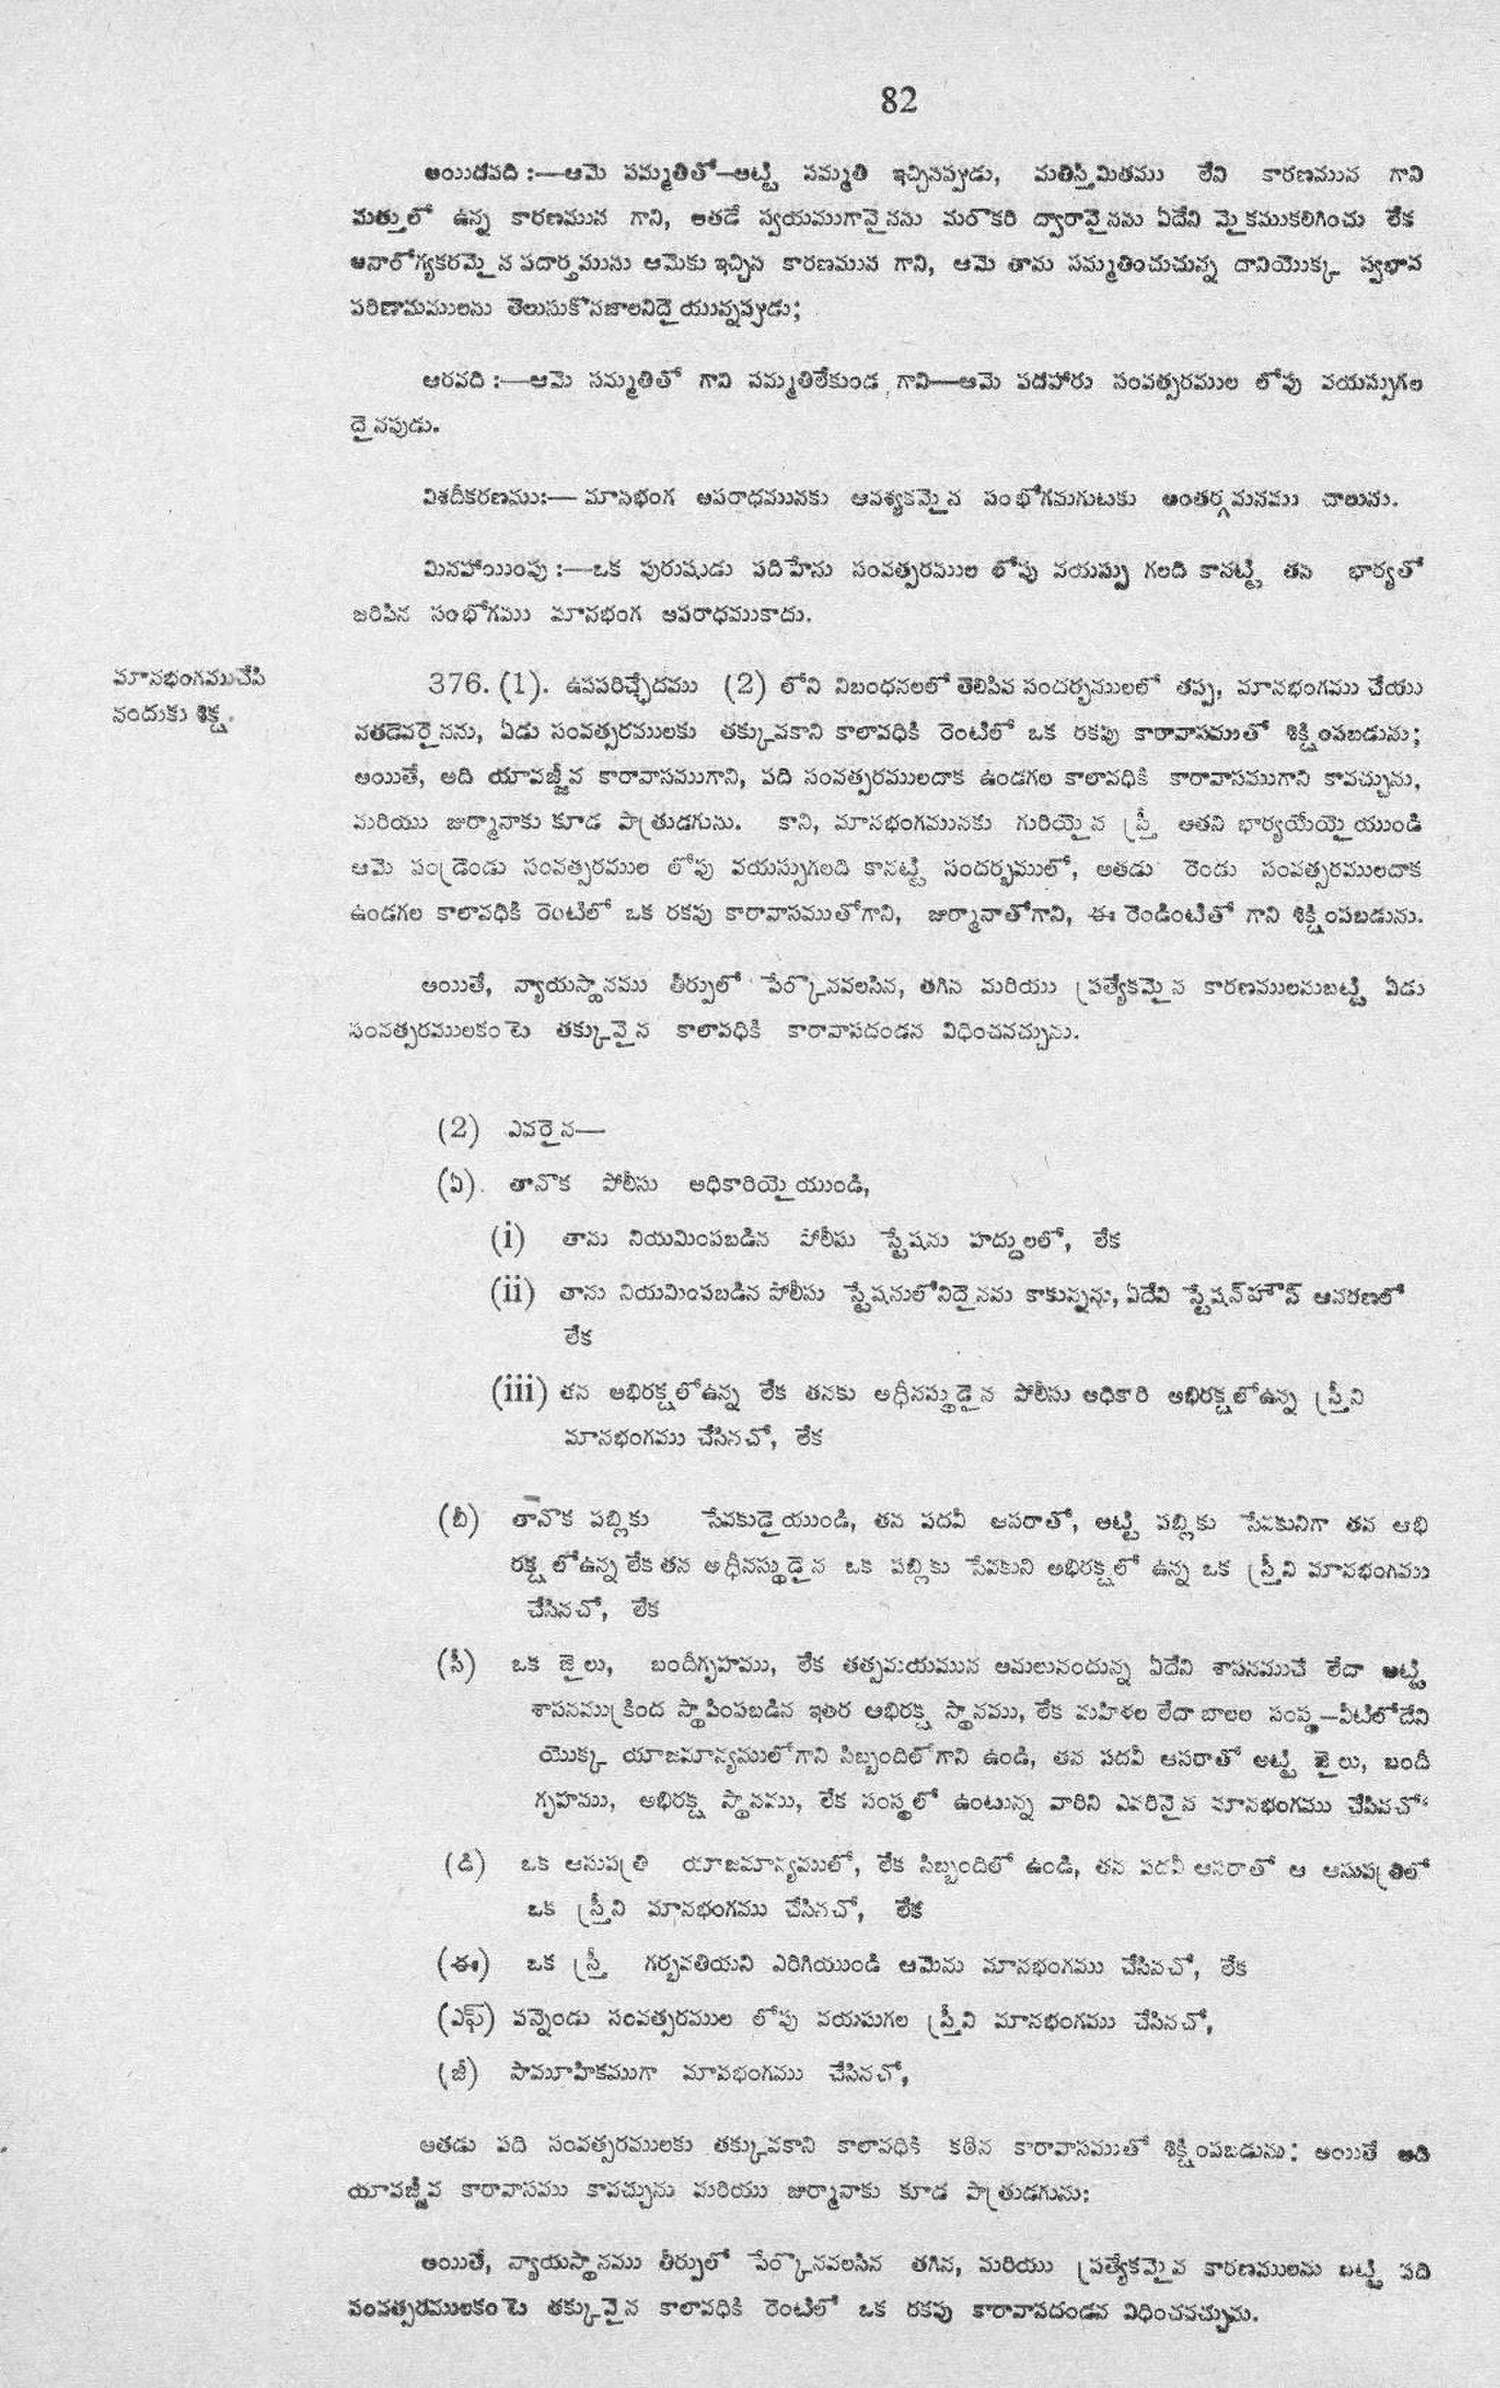అయిదవది :- ఆమె సమ్మతితో-అట్టి సమ్మతి ఇచ్చినప్పుడు, మతిస్తి మితము లేని కారణమున గాని
మత్తులో ఉన్న కారణమున గాని, అతడే స్వయముగానై నను మరొకరి ద్వారా నై నను ఏదేని మైకము కలిగించు లేక
అనారోగ్యకరమైన పదార్దమును ఆమెకు ఇచ్చిన కారణమున గాని, ఆమె తాను సమ్మతించుచున్న దాని యొక్క స్వభావ
పరిణామములను తెలుసుకొనజాలనిదై యున్నప్పుడు,

ఆరవది : ఆమె సమ్మతితో గాని సమ్మతిలేకుండ గావి—ఆమె పదహారు సంవత్సరముల లోపు వయస్సుగల
దైనపుడు.

విశదీకరణము:- మాన భంగ అపరాధమునకు ఆవశ్యకమైన సంభోగమగుటకు అంతర్గ మనము చాలును,

మినహాయింపు :- ఒక పురుషుడు పదిహేను సంవత్సరముల లోపు వయస్సు గలది కానట్టి తన భార్యతో
జరిపిన సంభోగము మానభంగ అపరాధముకాదు.

మానభంగము చేసినందుకు శిక్ష

376. (1). ఉపపరిచ్ఛేదము (2) లోని నిబంధనలలో తెలిపిన సందర్భములలో తప్ప, మానభంగము చేయు
నతడెవరైనను, ఏడు సంవత్సరములకు తక్కువకాని కాలావధికి రెంటిలో ఒక రకపు కారావాసముతో శిక్షింపబడును;
అయితే, అది యావజ్జీవ కారావాసముగాని, పది సంవత్సరములదాక ఉండగల కాలావధికి కారావాసముగాని కావచ్చును,
మరియు జుర్మానాకు కూడ పాత్రుడగును. కాని, మానభంగమునకు గురియైన స్త్రీ అతని భార్యయేయై యుండి
ఆమె పండ్రెండు సంవత్సరముల లోపు వయస్సుగలది కానట్టి సందర్భములో, అతడు రెండు సంవత్సరములదాక
ఉండగల కాలావధికి రెంటిలో ఒక రకపు కారావాసముతోగాని, జుర్మానాతోగాని, ఈ రెండింటితో గాని శిక్షింపబడును.

అయితే, న్యాయస్థానము తీర్పులో పేర్కొనవలసిన, తగిన మరియు ప్రత్యేకమైన కారణములనుబట్టి ఏడు
సంవత్సరములకంటె తక్కువైన కాలావధికి కారావాసదండన విధించవచ్చును.

(2) ఎవరైన-

(ఏ). తానొక పోలీసు అధికారియై యుండి,

(i) తాను నియమింపబడిన పోలీసు స్టేషను హద్దులలో, లేక

(ii) తాను నియమింపబడిన పోలీసు స్టేషనులోనిదై నను కాకున్నను , ఏదేని స్టేషన్ హౌస్ ఆవరణలో లేక

(iii) తన అభిరక్షలో ఉన్న లేక తనకు అధీనస్థుడైన పోలీసు అధికారి అభిరక్ష లో ఉన్న స్త్రీని
మానభంగము చేసినచో, లేక

(బి) తానొక పబ్లికు సేవకుడై యుండి, తన పదవి ఆసరాతో, అట్టి పబ్లికు సేవకునిగా తన ఆభి
రక్ష లో ఉన్న లేక తన అధీనస్తు డైన ఒక పబ్లికు సేవకుని అభిరక్షిలో ఉన్న ఒక స్త్రీని మానభంగము
చేసినచో, లేక

(సీ) ఒక జైలు, బందీగృహము, లేక తత్సమయమున అమలునందున్న ఏదేని శాసనముచే లేదా అట్టి
శాసనము క్రింద స్థాపింపబడిన ఇతర ఆభిరక్ష స్థానము, లేక మహిళల లేదా బాలల సంస్థ - వీటిలో దేని
యొక్క యాజమాన్యములో గాని సిబ్బందిలో గాని ఉండి, తన పదవీ ఆసరాతో అట్టి జైలు, బందీ
గృహము, అభిరక్ష స్థానము, లేక సంస్థ లో ఉంటున్న వారిని ఎవరినైన మాన భంగము చేసినచో

(డి) ఒక ఆసుపత్రి యాజమాన్యములో, లేక సిబ్బందిలో ఉండి, తన పదవీ ఆసరాతో ఆ ఆసుపత్రిలో
ఒక స్త్రీని మానభంగము చేసినచో, లేక

(ఈ) ఒక స్త్రీ గర్భవతియని ఎరిగియుండి ఆమెను మానభంగము చేసినచో, లేక

(ఎఫ్) పన్నెండు సంవత్సరముల లోపు వయసుగల స్త్రీని మానభంగము చేసినచో,

(జీ) సామూహికముగా మానభంగము చేసినచో,

ఆతడు పది సంవత్సరములకు తక్కువకాని కాలావధికి కఠిన కారావాసముతో శిక్షింపబడును . అయితే అది
యావజ్జీవ కారావాసము కావచ్చును. మరియు జుర్మానాకు కూడ పాత్రుడగును;

అయితే, న్యాయస్థానము తీర్పులో పేర్కొనవలసిన తగిన, మరియు ప్రత్యేకమైన కారణములను బట్టి పది
సంవత్సరములకంటె తక్కువైన కాలావధికి రెంటిలో ఒక రకపు కారావాస దండన విధించవచ్చును.